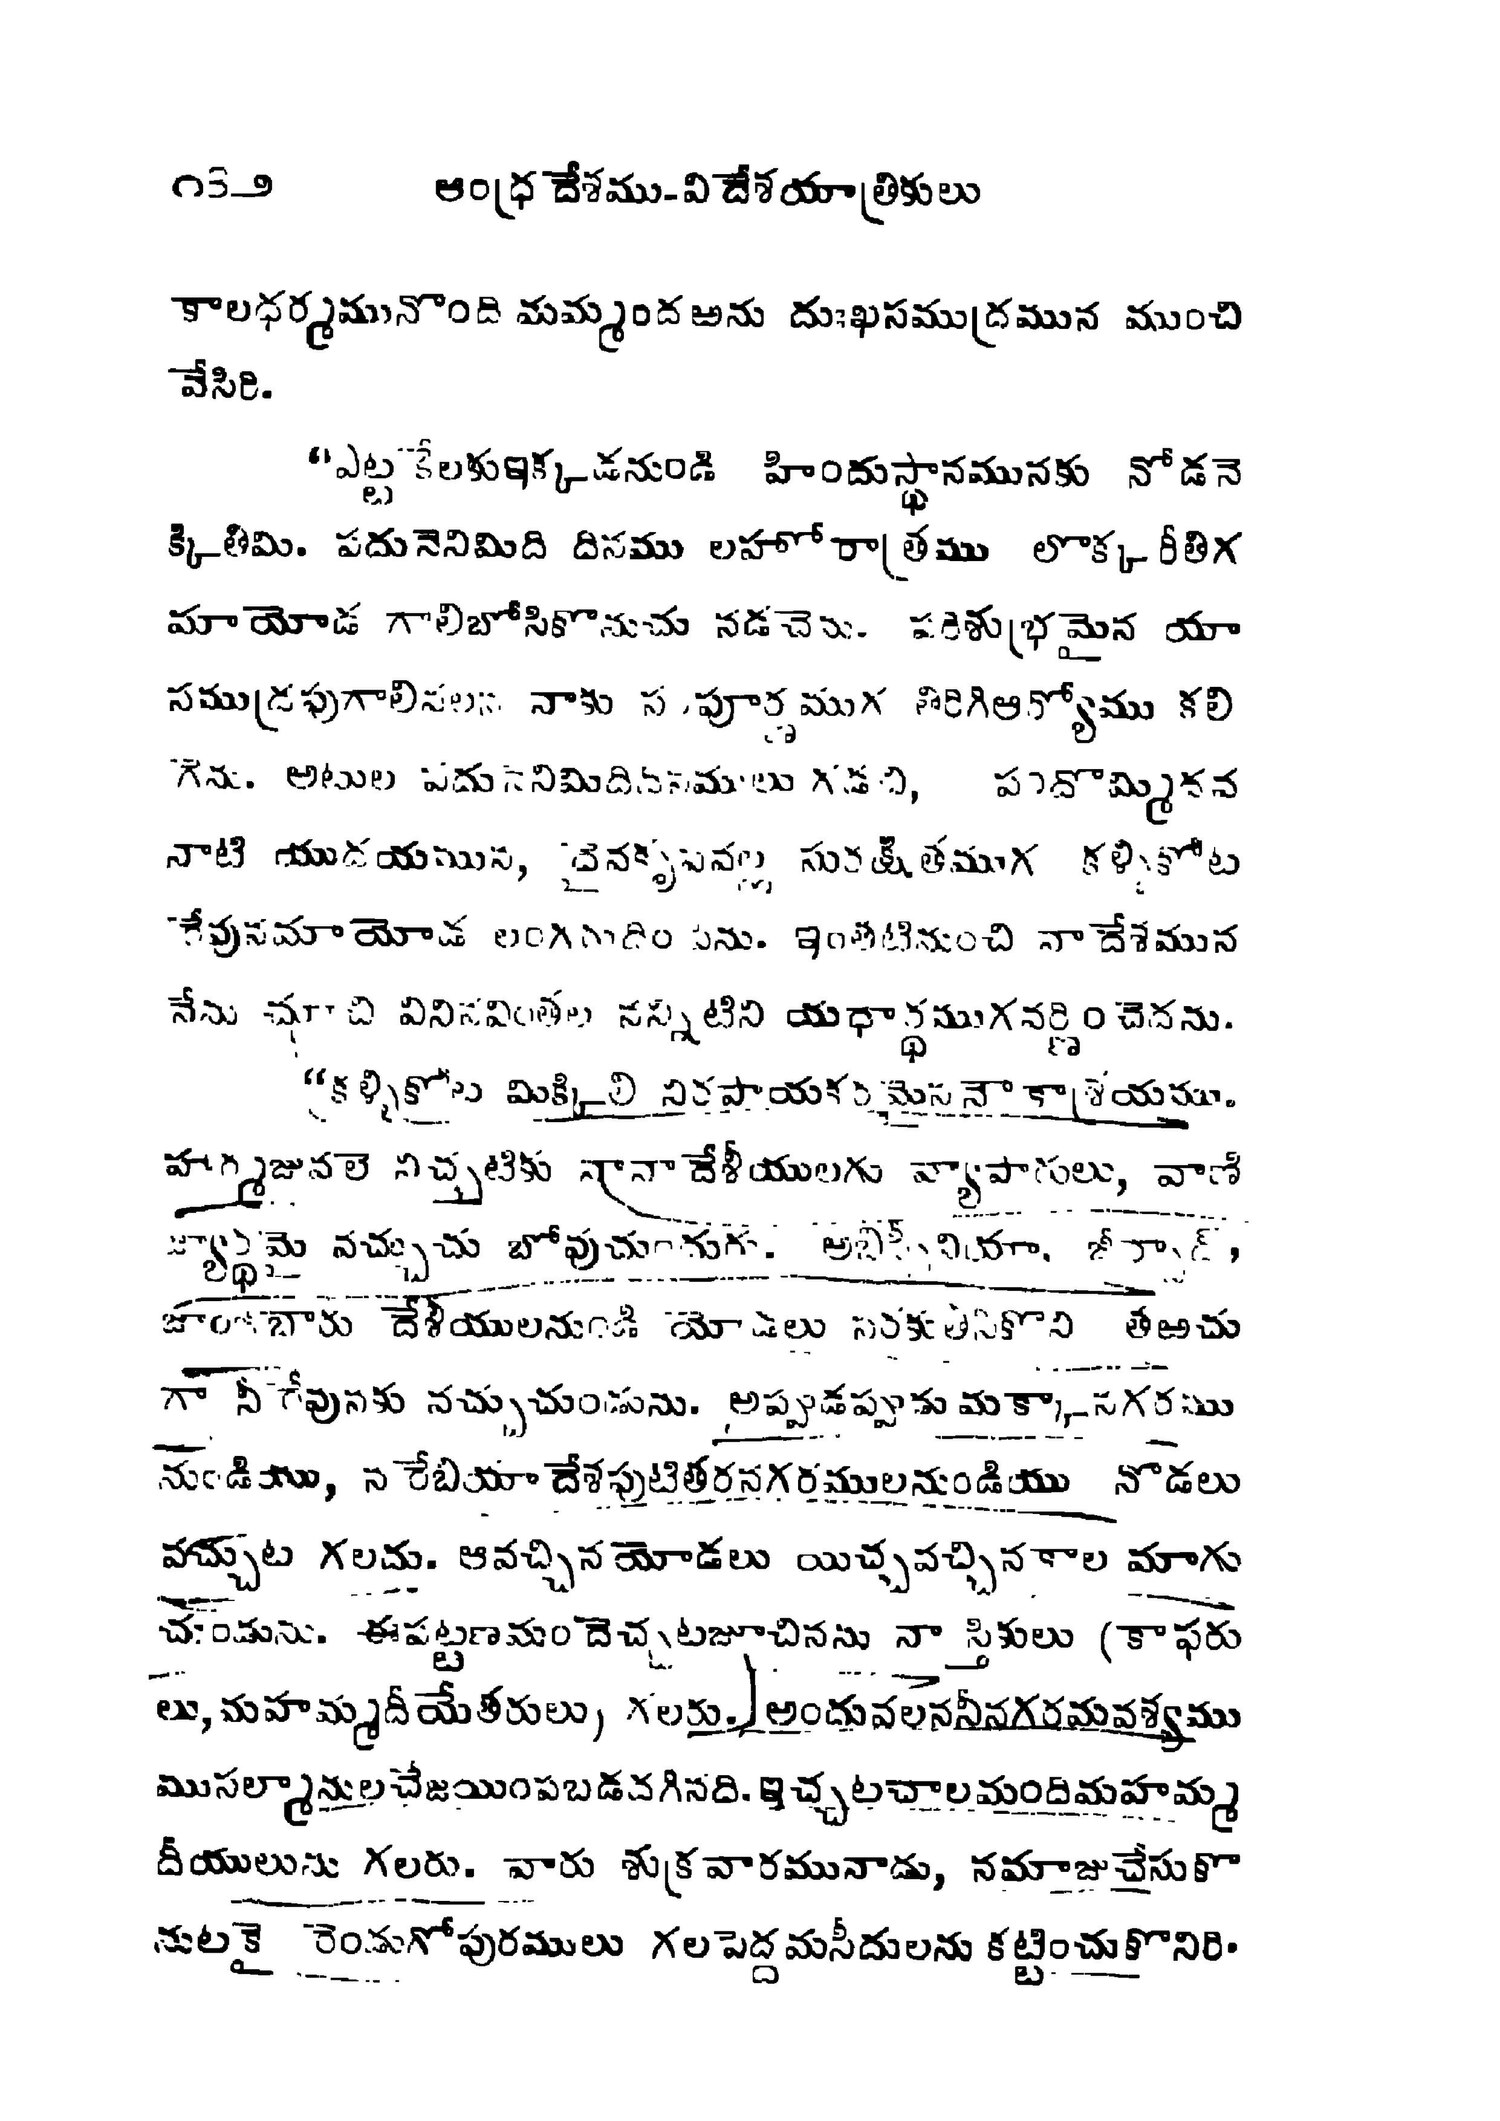కాలధర్మమునొంది మమ్మందఱను దు:ఖసముద్రమున ముంచివేసిరి. 

"ఎట్టకేలకు ఇక్కడనుండి హిందూస్థానమునకు నోడనెక్కితిమి. పదునెనిమిది దినము లహోరాత్రము లొక్కరీతిగ మాయెడ గాలి బోసికొనుచు నడచెను. పరిశుభ్రమైన యాసముద్రపు గాలివలన నాకు సంపూర్ణముగా తిరిగి ఆరోగ్యము కలిగెను. అటుల పదునెనిమిది దినములు గడచి, పందొమ్మిదవ నాటి యుదయమున, దైవకృపవల్ల సురక్షితముగ కళ్ళికోట రేవున మాయోడ లంగరు దింపెను. ఇంతటి నుంచి నా దేశమున నేను చూచి వినినవింతల నన్నిటిని యధార్థముగ వర్ణించెదను.

"కళ్ళికోట మిక్కిలి నిరపాయకరమైన నౌకాశ్రయము. హర్మజువలె నిచ్చటికు నానా దేశీయులగు వ్యాపారులు, వాణిజ్యార్థమై వచ్చుచు బోవుచుందురు. అబిస్సీనియా, జీర్పాద్, జాంజిబారు దేశీయులనుండి యోడలు సరకు తీసికొని తఱచుగా నీ రేవునకు వచ్చుచుండును. అప్పుడప్పుడు మక్కానగరము నుండియు, నరేబియా దేశపుటితర నగరముల నుండియు నోడలు వచ్చుట గలదు. ఆవచ్చిన యోడలు యిచ్చవచ్చినకాల మాగుచుండును. ఈపట్టణమందెచ్చట జూచినను నాస్తికులు (కాఫరులు, మహమ్మదీయేతరులు) గలరు. అందువలన నీనగరమవశ్యము ముసల్మానులచే జయింపబడదగినది. ఇచ్చట చాలమంది మహమ్మదీయులును గలరు. వారు శుక్రవారమునాడు, నమాజుచేసు కొనుటకై రెండుగోపురములు గల పెద్దమసీదులను కట్టించుకొనిరి.